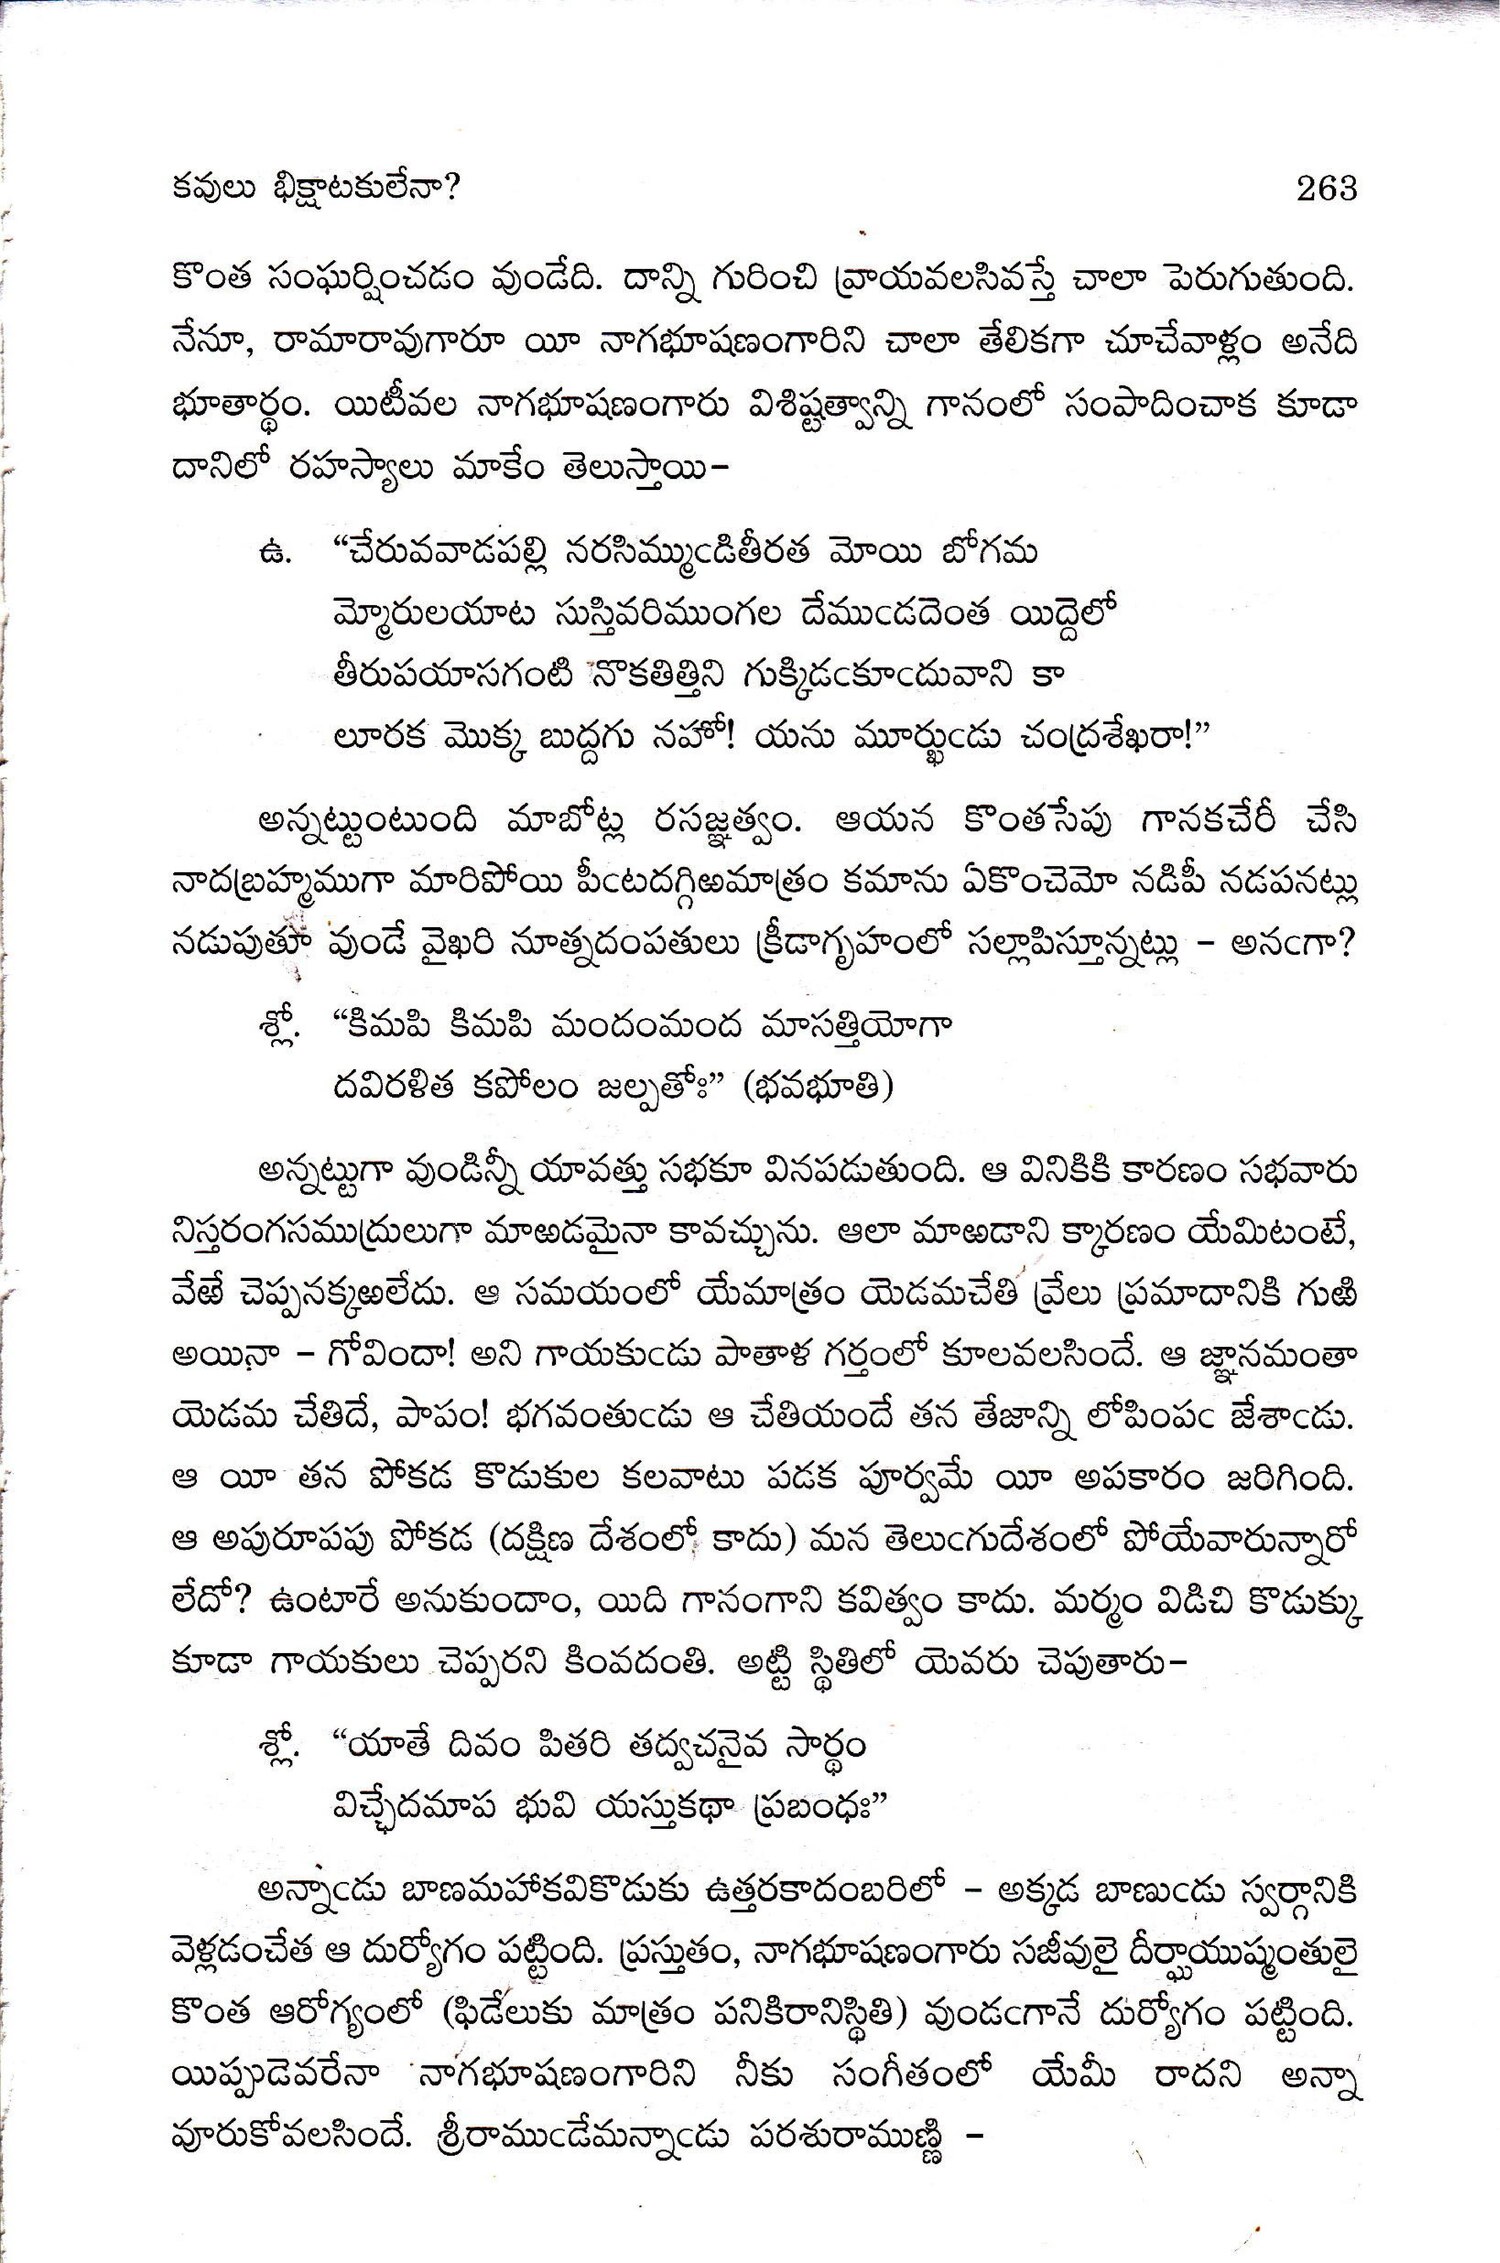కొంత సంఘర్షించడం వుండేది. దాన్ని గురించి వ్రాయవలసివస్తే చాలా పెరుగుతుంది. నేనూ, రామారావుగారూ యీ నాగభూషణంగారిని చాలా తేలికగా చూచేవాళ్లం అనేది భూతార్థం. యిటీవల నాగభూషణంగారు విశిష్టత్వాన్ని గానంలో సంపాదించాక కూడా దానిలో రహస్యాలు మాకేం తెలుస్తాయి

ఉ. "చేరువవాడపల్లి నరసిమ్ముఁడితీరత మోయి బోగమ
 మ్మోరులయాట సుస్తివరిముంగల దేముఁడదెంత యిద్దెలో 
 తీరుపయాసగంటి నొకతిత్తిని గుక్కిడఁకూఁదువాని కా 
 లూరక మొక్క బుద్దగు నహో! యను మూర్ఖుఁడు చంద్రశేఖరా!"
అన్నట్టుంటుంది మాబోట్ల రసజ్ఞత్వం. ఆయన కొంతసేపు గానకచేరీ చేసి నాదబ్రహ్మముగా మారిపోయి పీఁటదగ్గిఱమాత్రం కమాను ఏకొంచెమో నడిపీ నడపనట్లు నడుపుతూ వుండే వైఖరి నూత్నదంపతులు క్రీడాగృహంలో సల్లాపిస్తూన్నట్లు - అనఁగా?

శ్లో. "కిమపి కిమపి మందంమంద మాసత్తియోగా 
 దవిరళిత కపోలం జల్పతోః" (భవభూతి)
అన్నట్టుగా వుండిన్నీ యావత్తు సభకూ వినపడుతుంది. ఆ వినికికి కారణం సభవారు నిస్తరంగసముద్రులుగా మాఱడమైనా కావచ్చును. ఆలా మాఱడాని క్కారణం యేమిటంటే, వేఱే చెప్పనక్కఱలేదు. ఆ సమయంలో యేమాత్రం యెడమచేతి వ్రేలు ప్రమాదానికి గుఱి అయినా - గోవిందా! అని గాయకుఁడు పాతాళ గర్తంలో కూలవలసిందే. ఆ జ్ఞానమంతా యెడమ చేతిదే, పాపం! భగవంతుఁడు ఆ చేతియందే తన తేజాన్ని లోపింపఁ జేశాఁడు. ఆ యీ తన పోకడ కొడుకుల కలవాటు పడక పూర్వమే యీ అపకారం జరిగింది. ఆ అపురూపపు పోకడ (దక్షిణ దేశంలో కాదు) మన తెలుఁగుదేశంలో పోయేవారున్నారో లేదో? ఉంటారే అనుకుందాం, యిది గానంగాని కవిత్వం కాదు. మర్మం విడిచి కొడుక్కు కూడా గాయకులు చెప్పరని కింవదంతి. అట్టి స్థితిలో యెవరు చెపుతారు

శ్లో. “యాతే దివం పితరి తద్వచనైవ సార్థం 
 విచ్ఛేదమాప భువి యస్తుకథా ప్రబంధః"
అన్నాఁడు బాణమహాకవికొడుకు ఉత్తరకాదంబరిలో - అక్కడ బాణుఁడు స్వర్గానికి వెళ్లడంచేత ఆ దుర్యోగం పట్టింది. ప్రస్తుతం, నాగభూషణంగారు సజీవులై దీర్ఘాయుష్మంతులై కొంత ఆరోగ్యంలో (ఫిడేలుకు మాత్రం పనికిరానిస్థితి) వుండఁగానే దుర్యోగం పట్టింది. యిప్పడెవరేనా నాగభూషణంగారిని నీకు సంగీతంలో యేమీ రాదని అన్నా వూరుకోవలసిందే. శ్రీరాముఁడేమన్నాఁడు పరశురాముణ్ణి - -